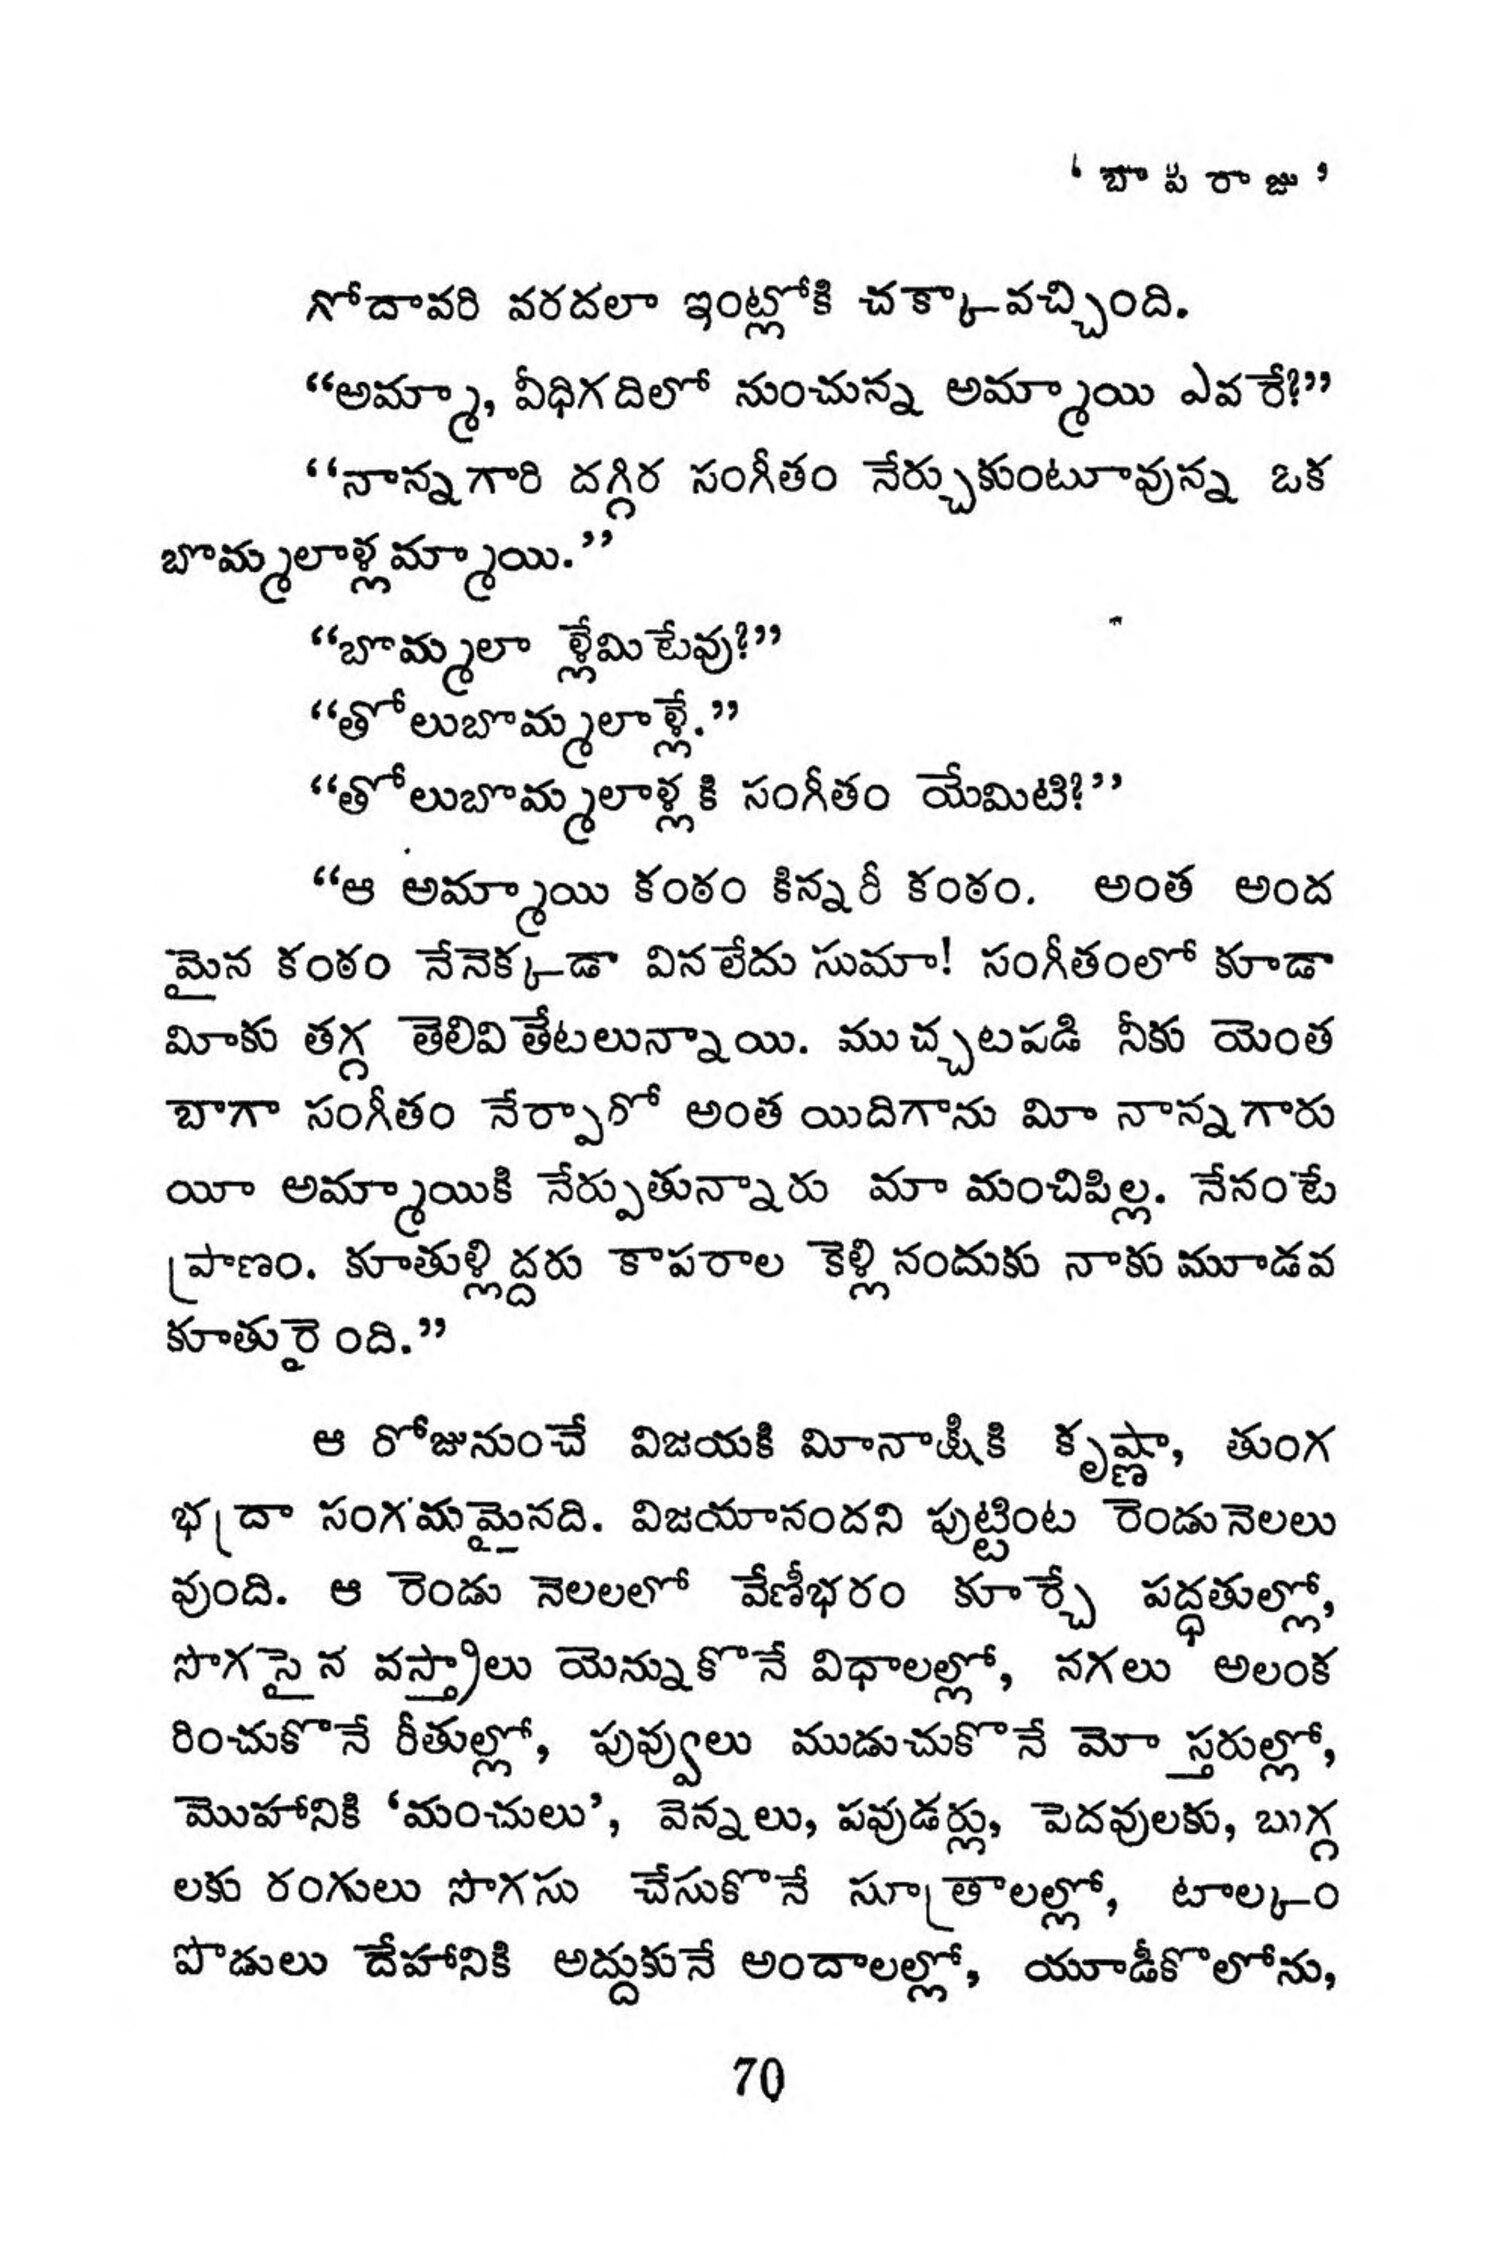గోదావరి వరదలా ఇంట్లోకి చక్కావచ్చింది.

"అమ్మా, వీధిగదిలో నుంచున్న అమ్మాయి ఎవరే?"

"నాన్నగారి దగ్గిర సంగీతం నేర్చుకుంటూవున్న ఒక బొమ్మలాళ్లమ్మాయి."

"బొమ్మలా ళ్లేమిటేవు?"

"తోలుబొమ్మలాళ్లే."

"తోలుబొమ్మలాళ్లకి సంగీతం యేమిటి?"

"ఆ అమ్మాయి కంఠం కిన్నరీ కంఠం. అంత అందమైన కంఠం నేనెక్కడా వినలేదు సుమా! సంగీతంలో కూడా మీకు తగ్గ తెలివితేటలున్నాయి. ముచ్చటపడి నీకు యెంత బాగా సంగీతం నేర్పారో అంత యిదిగాను మీ నాన్నగారు యీ అమ్మాయికి నేర్పుతున్నారు మా మంచిపిల్ల. నేనంటే ప్రాణం. కూతుళ్లిద్దరు కాపరాల కెళ్లినందుకు నాకు మూడవ కూతురైంది."

ఆ రోజునుంచే విజయకి మీనాక్షికి కృష్ణా, తుంగభద్రా సంగమమైనది. విజయానందని పుట్టింట రెండునెలలు వుంది. ఆ రెండు నెలలలో వేణీభరం కూర్చే పద్ధతుల్లో, సొగసైన వస్త్రాలు యెన్నుకొనే విధాలల్లో, నగలు అలంకరించుకొనే రీతుల్లో, పువ్వులు ముడుచుకొనే మోస్తరుల్లో, మొహానికి 'మంచులు', వెన్నలు, పవుడర్లు, పెదవులకు, బుగ్గలకు రంగులు సొగసు చేసుకొనే సూత్రాలల్లో, టాల్కం పొడులు దేహానికి అద్దుకునే అందాలల్లో, యూడీకొలోను,